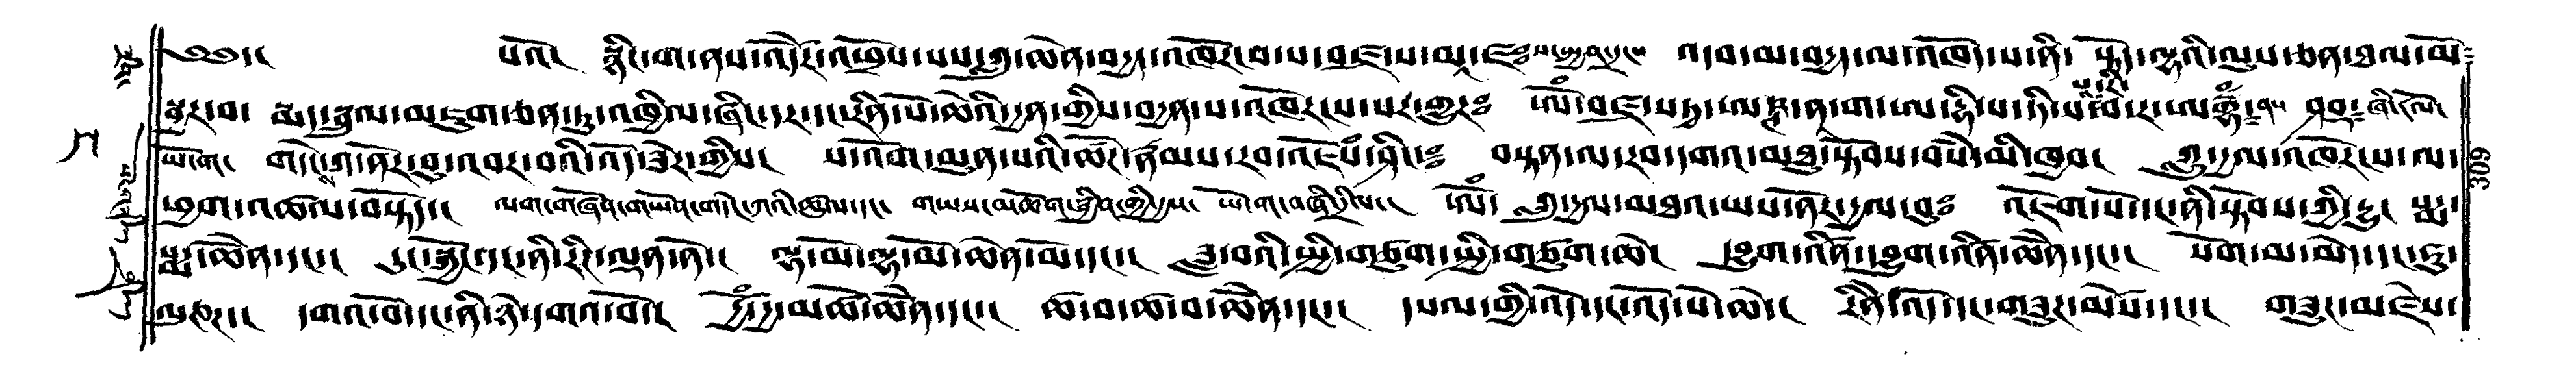པའོ། །སྙིང་ག་ནས་འོད་ཟེར་འཕྲོས་པས་ཀླུ་ཆེན་བརྒྱད་འཁོར་བཅས་བཛྲ་ས་མཱ་ཛཿ ས་སྤྱན་དྲངས ། འདབ་མ་བརྒྱད་ལ་འཁོད་པ་ནི་སྟོད་ལྷའི་ལུས་ཅན་ཐལ་མོ་
སྦྱར་བ། སྨད་སྦྲུལ་མཇུག་ཅན་ཏུ་འཁྱིལ་ཞིང་དར་དང་རིན་པོ་ཆེའི་རྒྱན་གྱིས་བརྒྱན་པ་འཁོར་བཅས་གྱུར། ཨོཾ་བཛྲ་སཏྭ་ཨཥྚ་ནཱ་ག་ཨ་དྷི་པ་ཏི་ས་པཱ་རི་བ་ར་ཨརྒྷཾ༴ ནས། ཤབྡ༴ ཞི་རོལ། 
ཡོ་ག གདེངས་ཀ་ནོར་བུ་འབར་བའི་འོད་ཟེར་གྱིས། །ས་འོག་མུན་པའི་ཚོགས་རྣམས་རབ་འཇོམས་ཤིང་། །བསྟན་ལ་རབ་དགའ་མཐུ་སྟོབས་བསམ་མི་ཁྱབ། །ཀླུ་རྒྱལ་འཁོར་དང་བཅས་ལ་
ཕྱག་འཚལ་བསྟོད། ལག་གཞོན་གཡོན་གདོང་ཀའི་ཚུལ་དང་གཡས་མཆོག་སྦྱིན་གྱི་རྒྱས། ཡོ་ག་བཞི་དྲིལ། ཨོཾ། ཀླུ་རྒྱལ་མཐའ་ཡས་ནོར་རྒྱལ་བུ། །འཇོག་པོ་དང་ནི་སྟོབས་ཀྱི་རྒྱུ། །པདྨ་
པདྨ་ཆེན་པོ་དང་། །དུང་སྐྱོང་དང་ནི་རིགས་ལྡན་ནོ། །ལྷ་མོ་ལྷ་མོ་ཆེན་མོ་དང་། །ཟླ་བའི་སྤྱི་གཙུག་སྤྱི་གཙུག་ཆེ། །དབྱུག་འཛིན་དབྱུག་འཛིན་ཆེན་པོ་དང་། །སོག་མ་མེད་དང་ཧུ་
ལུཎཌ། །དགའ་བོ་དང་ནི་ཉེ་དགའ་བོ། །རྒྱ་མཚོ་རྒྱ་མཚོ་ཆེན་པོ་དང་། །ཚ་བ་ཚ་བ་ཆེན་པོ་དང་། །དཔལ་གྱི་འོད་དང་འོད་པོ་ཆེ། །རིན་ཆེན་འོད་དང་གཟུགས་མཛེས་དང་། །གཟུགས་མཛེས་